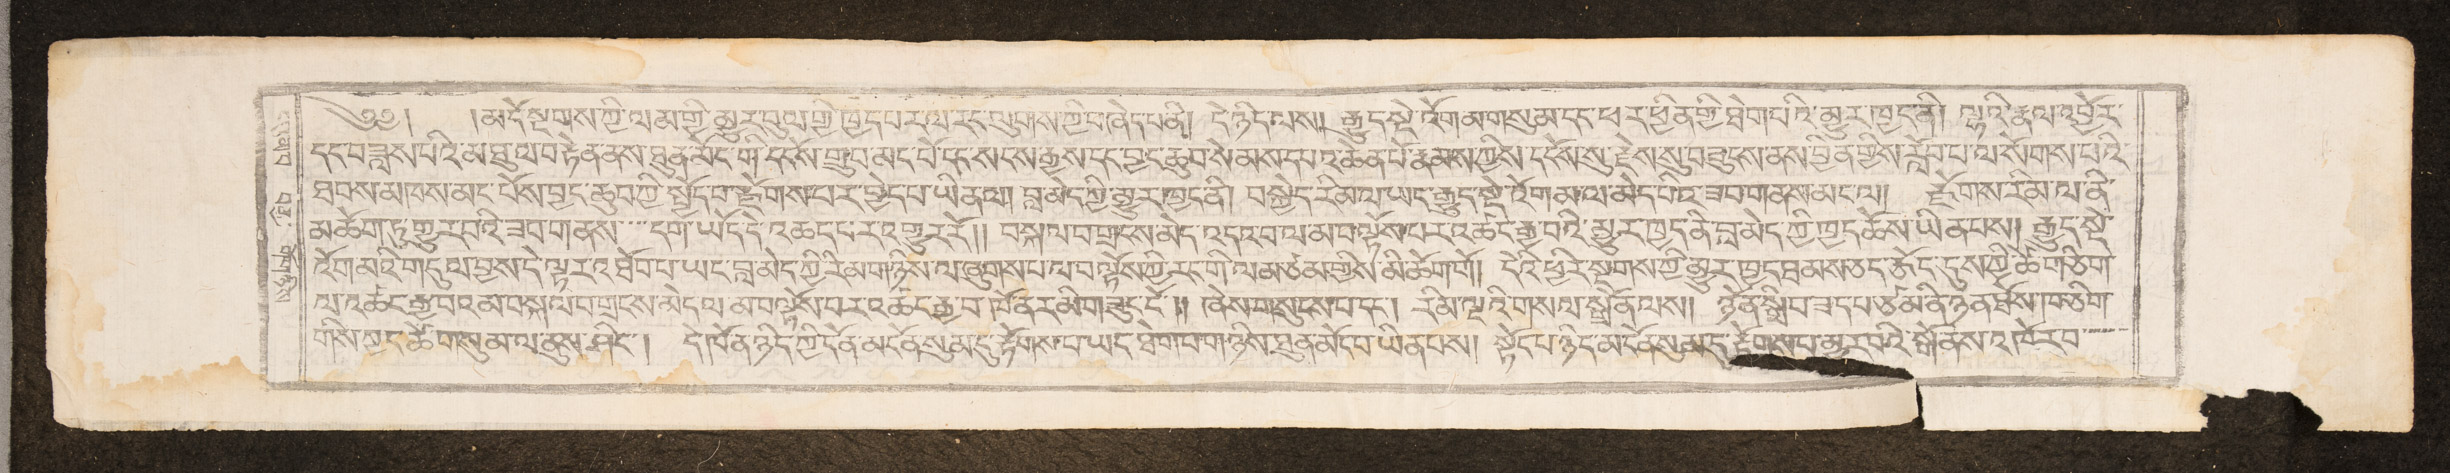༄༅། །མདོ་སྔགས་ཀྱི་ལམ་གྱི་མྱུར་བུལ་གྱི་ཁྱད་པར་ལ་རང་ལུགས་ཀྱི་བཞེད་པ་ནི། དེ་ཉིད་ལས། རྒྱུད་སྡེ་འོག་མ་གསུམ་དང་ཕར་ཕྱིན་གྱི་ཐེག་པའི་མྱུར་ཁྱང་ནི། ལྷའི་རྣལ་འབྱོར་
དང་བཟླས་པའི་མཐུ་ལ་བརྟེན་ནས་ཐུན་མོང་གི་དངོས་གྲུབ་མང་པོ་དང་སངས་རྒྱས་དང་བྱང་ཆུབ་སེམས་དཔའ་ཆེན་པོ་རྣམས་ཀྱིས་དངོས་སུ་རྗེས་སུ་བཟུངས་ནས་བྱིན་གྱིས་རློབ་པ་ལ་སོགས་པའི་
ཐབས་མཁས་མང་པོས་བྱང་ཆུབ་ཀྱི་སྤྱོད་པ་རྫོགས་པར་བྱེད་པ་ཡིན་ལ། བླ་མེད་ཀྱི་མྱུར་ཁྱད་ནི། བསྐྱེད་རིམ་ལ་ཡང་རྒྱུད་སྡེ་འོག་མ་ལ་མེད་པའི་ཟབ་གནས་མང་ལ། རྫོགས་རིམ་ལ་ནི་
མཆོག་ཏུ་གྱུར་པའི་ཟབ་གནས་དག་ཡོད་དེ་འཆད་པར་འགྱུར་རོ།། བསྐལ་བ་གྲངས་མེད་འདའ་བ་ལ་མ་བལྟོས་པར་འཚང་རྒྱ་བའི་མྱུར་ཁྱད་ནི་བླ་མེད་ཀྱི་ཁྱད་ཆོས་ཡིན་པས། རྒྱུད་སྡེ་
འོག་མའི་གདུལ་བྱས་དེ་ལྟར་འཐོབ་པ་ཡང་བླ་མེད་ཀྱི་རིམ་གཉིས་ལ་ཞུགས་པ་ལ་བལྟོས་ཀྱི་རང་གི་ལམ་ཙམ་གྱིས་མི་ཆོག་གོ། དེའི་ཕྱིར་སྔགས་ཀྱི་མྱུར་ཁྱད་ཐམས་ཅད་རྩོང་དུ་ས་ཀྱི་ཚེ་གཅིག་
ལ་འཚང་རྒྱ་བའམ་བསྐལ་བ་གྲངས་མེད་ལ་མ་བལྟོས་པར་འཚང་རྒྱ་བ་ཁོ་ནར་མི་གཟུང་ངོ།། ཞེས་གསུངས་པ་དང་། རིམ་ལྔའི་གསལ་སྒྲོན་ལས། ཉོན་སྒྲིབ་ཟད་པ་ཙམ་ནི་ཉན་ཐོས་ཁ་ཅིག་
གིས་ཀྱང་ཚེ་གསུམ་ལ་ནུས་ཤིང་། དེ་ཁོ་ན་ཉིད་ཀྱི་དོན་མངོན་སུམ་དུ་རྟོགས་པ་ཡང་ཐེག་པ་གཉིས་ཐུན་མོང་བ་ཡིན་པས། སྟོང་པ་ཉིད་མངོས་སུམ་དུ་རྟོགས་པ་མྱུར་བའི་སྒོ་ནས་འཁོར་བ་